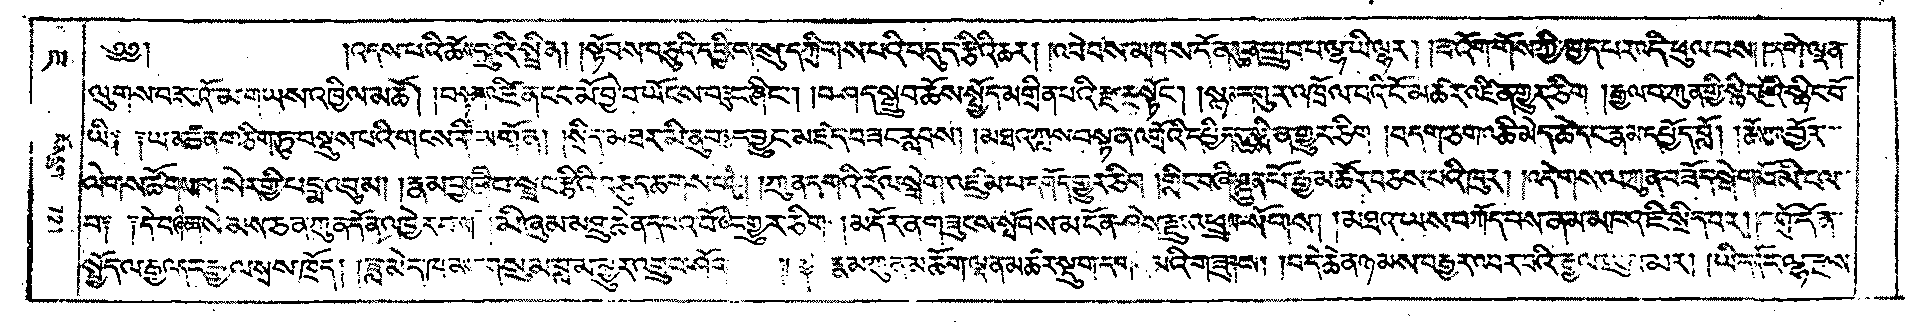༄༅། །འདས་པའི་ཆོས་སྐུའི་སྤྲིན། །སྟོབས་བཅུའི་དབྱིངས་སུ་དཀྲིགས་པའི་བདུད་རྩིའི་ཆར། །འབེབས་མཁས་དོན་ཀུན་གྲུབ་པ་ལྷ་ཡི་ལྷར། །ཟ་འོག་གོས་ཀྱི་ཁྱད་པར་འདི་ཕུལ་བས། །དགེ་ལྡན་
ལུགས་བཟང་འོ་མ་གཡས་འཁྱིལ་མཚོ། །བསྟན་འཛིན་ངང་མོ་བྱེ་བ་ཡོངས་བཟུང་ཞིང་། །བཤད་སྒྲུབ་ཆོས་སྤྱོད་མགྲིན་པའི་རྫ་རྔ་སྟོང་། །སྙན་དགུར་འཁྲོལ་བའི་ངོ་མཚར་འཛིན་གྱུར་ཅིག །རྒྱལ་བ་ཀུན་གྱི་སྙིང་རྗེའི་སྙིང་པོ་
ཡི༑ ༑ཡ་མཚན་གཅིག་ཏུ་བསྡུས་པའི་གངས་རིའི་མགོན། །སྲིད་མཐར་མི་ནུབ་རྨད་བྱུང་མཛད་བཟང་རླབས། །མཐའ་ཀླས་བསྟན་འགྲོའི་དཔྱིད་དུ་སྨིན་གྱུར་ཅིག །བདག་ཅག་འཆི་མེད་ཚེ་དང་རྣམ་དཔྱོད་བློ། །ཆོས་འབྱོར་
ལེགས་ཚོགས་གསེར་གྱི་པདམ་འབུམ། །རྣམ་བྱང་ཞི་བ་སྦྲང་རྩིའི་བཅུད་ཆགས་པའི། །ཀུན་དགའི་རོལ་སྒེག་འཛུམ་པ་དགོད་གྱུར་ཅིག །གླིང་བཞི་ལྷུན་པོ་རྒྱ་མཚོར་བཅས་པའི་ཁུར། །འདེགས་ལ་ཀུན་བཟོད་སྒེག་མོ་མི་ངལ་
བ༑ ༑དེ་བཞིན་སེམས་ཅན་ཀུན་དོན་འཁྱེར་བ་ལ། །མི་ཞུམ་མཐུ་ཆེན་དཔའ་བོ་ཉིད་གྱུར་ཅིག །མདོར་ན་གཟུངས་སྤོབས་མངོན་ཤེས་རྫུ་འཕྲུལ་སོགས། །མཐའ་ཡས་བཀོད་པས་ནམ་མཁའ་ཇི་སྲིད་བར། །འགྲོ་དོན་
སྤྱོད་ལ་རྒྱལ་དང་རྒྱལ་སྲས་ཁྲོད། །ཟླ་མེད་ཁམས་གསུམ་བླ་མ་མྱུར་འགྲུབ་ཤོག ། །། ༈ རྣམ་ཀུན་མཆོག་ལྡན་མཚར་སྡུག་དགའ་མའི་གཟུགས། །བདེ་ཆེན་ཉམས་བརྒྱར་འབར་བའི་རྒྱལ་ཡུམ་མར། །ཡིད་འོང་ལྷ་རྫས་